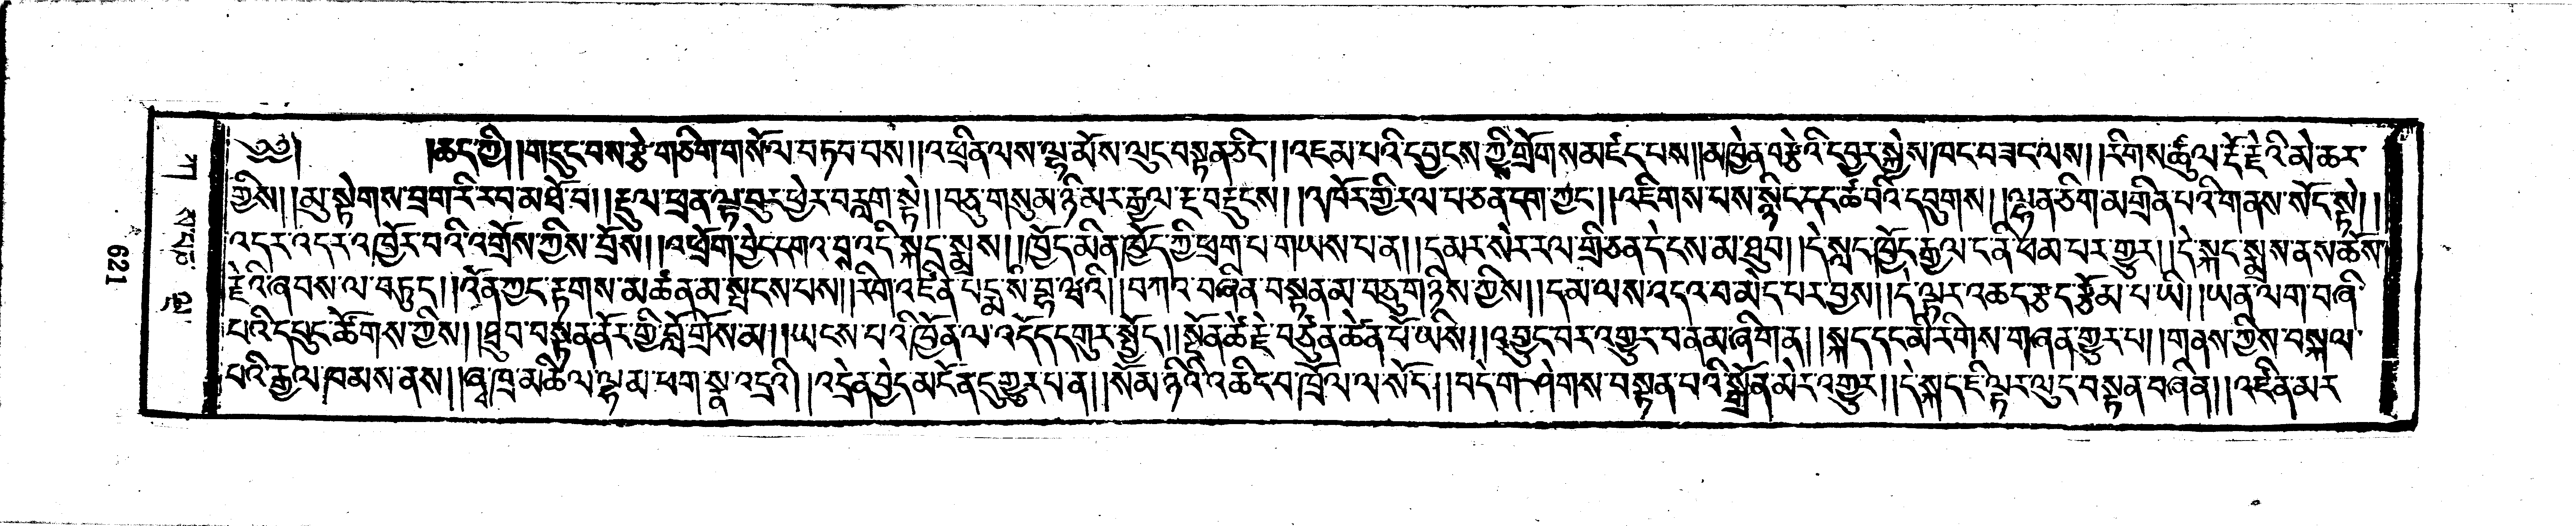༄༅། །ཆད་ཀྱི། །གདུང་བས་རྩེ་གཅིག་གསོལ་བཏབ་པས། །འཕྲིན་ལས་ལྷ་མོས་ལུང་བསྟན་ཅིང་། །འཇམ་པའི་དབྱངས་ཀྱིས་གྲོགས་མཛད་པས། །མཁྱེན་བརྩེའི་དབྱར་སྐྱེས་ཁང་བཟང་ལས། །རིགས་ཚུལ་རྡོ་རྗེའི་མེ་ཆར་
གྱིས། །མུ་སྟེགས་བྲག་རི་རབ་མཐོ་བ། །རྡུལ་ཕྲན་ལྟ་བུར་ཕྱེར་བརླག་སྟེ། །བཅུ་གསུམ་ཉི་མར་རྒྱལ་རྔ་བརྡུངས། །འཁོར་གྱི་རལ་པ་ཅན་དག་ཀྱང་། །འཇིགས་པས་སྙིང་དང་ཚ་བའི་དབུགས། །ལྷན་ཅིག་མགྲིན་པའི་གནས་སོང་སྟེ། །
འདར་འདར་འཁྱོར་བའི་འགྲོས་ཀྱིས་བྲོས། །འཕྲོག་བྱེད་དགའ་བས་འདི་སྐད་སྨྲས། །ཁྱོད་མིན་ཁྱོད་ཀྱི་ཕྲག་པ་གཡས་པ་ན། །དམར་སེར་རལ་གྲི་ཅན་དེ་ངས་མ་ཐུབ། །དེ་སླད་ཁྱོད་རྒྱལ་ང་ནི་ཕམ་པར་གྱུར། །དེ་སྐད་སྨྲས་ནས་ཆོས་
རྗེའི་ཞབས་ལ་བཏུད། །འོན་ཀྱང་རྟགས་མཚན་མ་སྤངས་པས། །རིག་འཛིན་པདམ་སཾ་བྷ་ཝའི། །བཀའ་བཞིན་བསྟན་མ་བཅུ་གཉིས་ཀྱིས། །དམ་ལས་འདའ་བ་མེད་པར་བྱས། །དེ་ལྟར་འཆད་རྩད་རྩོམ་པ་ཡི། །ཡན་ལག་བཞི་
པའི་དཔུང་ཚོགས་ཀྱིས། །ཐུབ་བསྟན་ནོར་གྱི་བློ་གྲོས་མ། །ཡངས་པའི་ཁྱོན་ལ་འདོད་དགུར་སྤྱོད། །སྔོན་ཚེ་རྗེ་བཙུན་ཆེན་པོ་ཡིས། །འབྱུང་བར་འགྱུར་བ་ནམ་ཞིག་ན། །སྐད་དང་མི་རིགས་གཞན་གྱུར་པ། །གནས་ཀྱིས་བསྐལ་
པའི་རྒྱལ་ཁམས་ནས། །ཞྭ་ཁྲ་མཆིལ་ལྷམ་པག་སྣ་འདྲའི། །འདྲེན་བྱེད་མངོན་དུ་གྱུར་པ་ན། །སོམ་ཉིའི་འཆིང་བ་ཁྲོལ་ལ་སོང་། །བདེ་གཤེགས་བསྟན་པའི་སྒྲོན་མེར་འགྱུར། །དེ་སྐད་ཇི་ལྟར་ལུང་བསྟན་བཞིན། །འཛིན་མར་